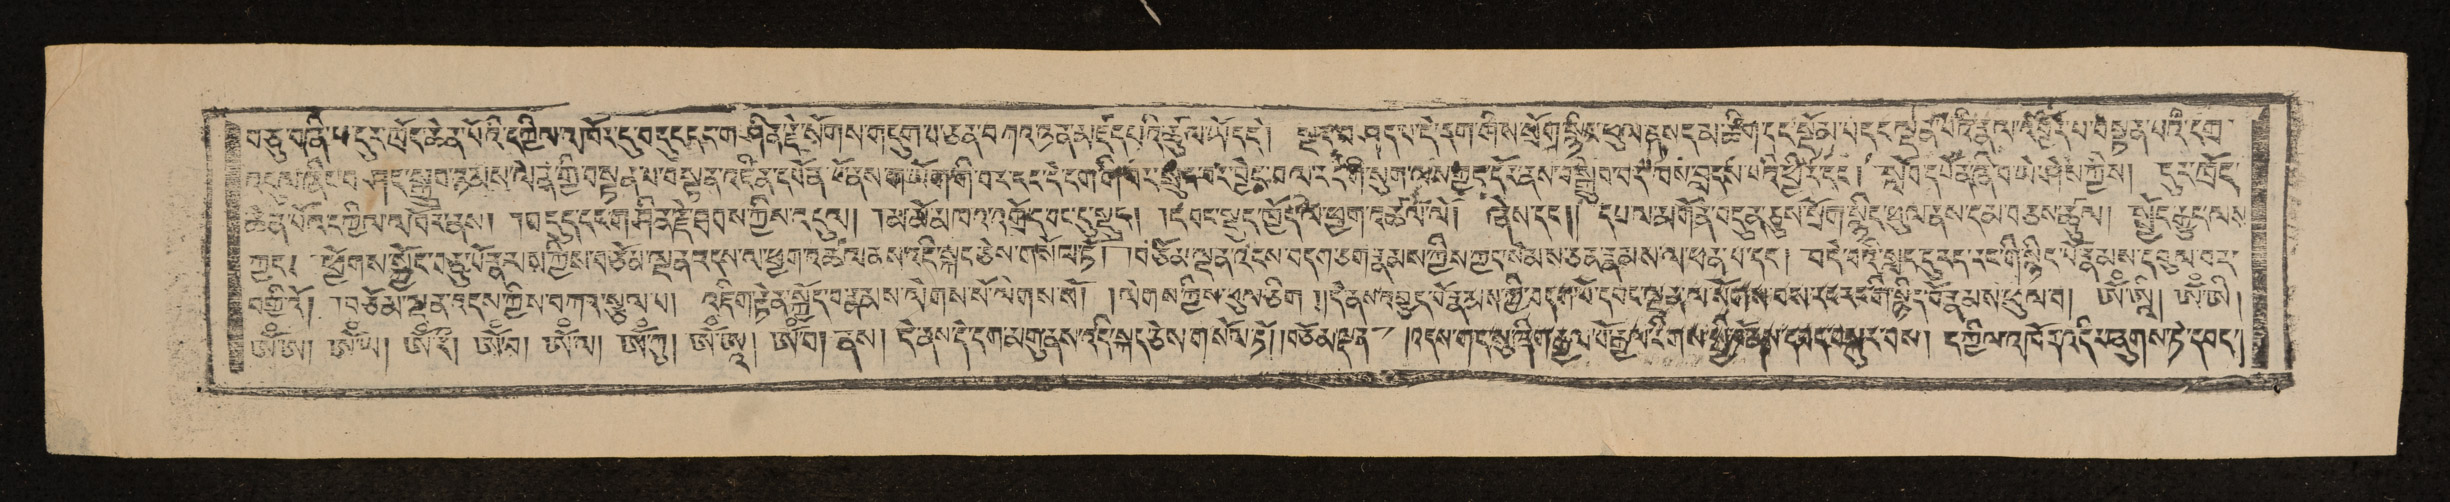བཅུ་བཞི་པ་དུར་ཁྲོད་ཆེན་པོའི་དཀྱིལ་འཁོར་དུ་བདུད་དང་གཤིན་རྗེ་སོགས་གདུག་པ་ཅན་བཀའ་ཉན་མཛད་པའི་ཚུལ་ཡོད་དེ། སྔར་བཤད་པ་དེ་དག་གིས་སྲོག་སྙིང་ཕུལ་ནས་དམ་ཚིག་དང་སྡོམ་པ་དང་ལྡན་པའི་རྣལ་འབྱོར་པ་བསྟན་པའི་དགྲ་
འདུལ་ཞིང་བཤད་སྒྲུབ་ཉམས་ལེན་གྱི་བསྟན་པ་བསྟན་འཛིན་དཔོན་པོ་ནས་གཡོག་གི་བར་དང་དེ་དག་གི་བར་སྲུང་བར་བྱེད་པ་ལ་རང་གི་སུག་ལས་ཀྱང་དོར་ནས་བསྒྲུབ་པར་ཁས་བླངས་པའི་ཕྱིར་དང་། སློབ་དཔོན་ཞི་བ་ཡེ་ཤེས་ཀྱིས། དུར་ཁྲོད་
ཆེན་པོའི་དཀྱིལ་འཁོར་ནས། །བདུད་དང་གཤིན་རྗེ་ཐབས་ཀྱིས་འདུལ། །མ་མོ་མཁའ་འགྲོ་དབང་དུ་སྡུད། །དབང་སྡུད་ཁྱོད་ལ་ཕྱག་འཚལ་ལོ། །ཞེས་དང་། དཔལ་མགོན་བདུན་ཅུས་སྲོག་སྙིང་ཕུལ་ནས་དམ་བཅས་ཚུལ། སྦྱོང་རྒྱུད་ལས་
ཀྱང༑ ཕྱོགས་སྐྱོད་བཅུ་བོ་རྣམས་ཀྱིས་བཅོམ་ལྡན་འདས་ལ་ཕྱག་འཚལ་ནས་འདི་སྐད་ཅེས་གསོལ་ཏོ། །བཅོམ་ལྡན་འདས་བདག་ཅག་རྣམས་ཀྱིས་ཀྱང་སེམས་ཅན་རྣམས་ལ་ཕན་པ་དང་། བདེ་བའི་སླད་དུ་རང་རང་གི་སྙིང་པོ་རྣམས་དབུལ་བར་
བགྱིའོ། །བཅོམ་ལྡན་འདས་ཀྱིས་བཀའ་སྩལ་པ། འཇིག་རྟེན་སྐྱོང་བ་རྣམས་ལེགས་སོ་ལེགས་སོ། །ལེགས་ཀྱིས་ཕུལ་ཅིག །དེ་ནས་འབྱུང་པོ་རྣམས་ཀྱི་བདག་པོ་དབང་ལྡན་ལ་སོགས་པས་རང་རང་གི་སྙིང་པོ་རྣམས་ཕུལ་བ། ཨོཾ་ཨཱི། ཨོཾ་ཨི།
ཨོཾ་ཨ། ཨོཾ་ཡ། ཨོཾ་རྀ། ཨོཾ་བ། ཨོཾ་ཡ། ཨོཾ་ཀུ། ཨོཾ་ཨཱ། ཨོཾ་བ། ནས། དེ་ནས་དེ་དག་མགུ་ནས་འདི་སྐད་ཅེས་གསོལ་ཏོ། །བཅོམ་ལྡན་འདས་གང་སུ་ཞིག་རྒྱལ་པོ་རྒྱལ་རིགས་སྤྱི་བོ་ནས་དབང་བསྐུར་བས། དཀྱིལ་འཁོར་འདིར་ཞུགས་ཏེ་དབང་